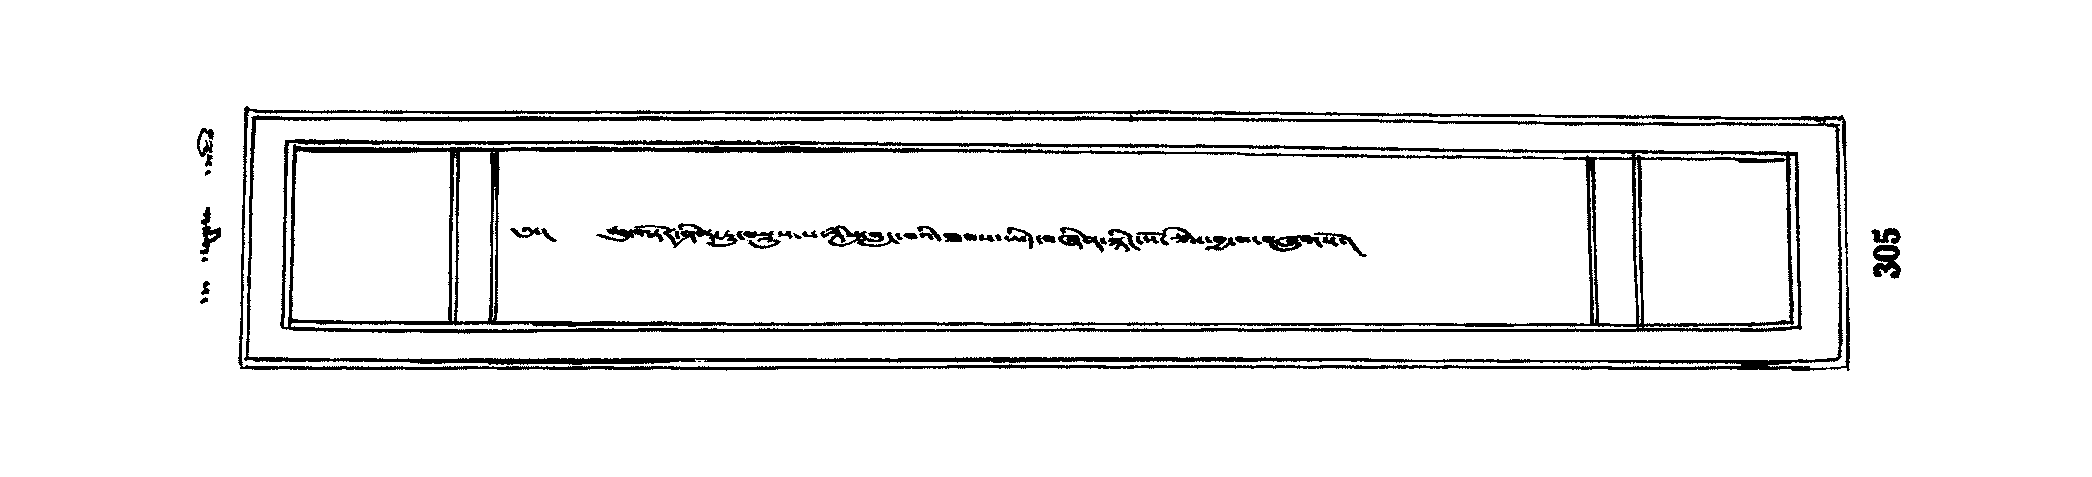༄༅། ཆུ་གཏོར་ཤིན་ཏུ་རྒྱས་པ་ཉམས་སུ་བླང་བའི་ཐབས་ཡིད་བཞིན་སྙིང་པོ་ཅེས་བྱ་བ་བཞུགས་སོ།